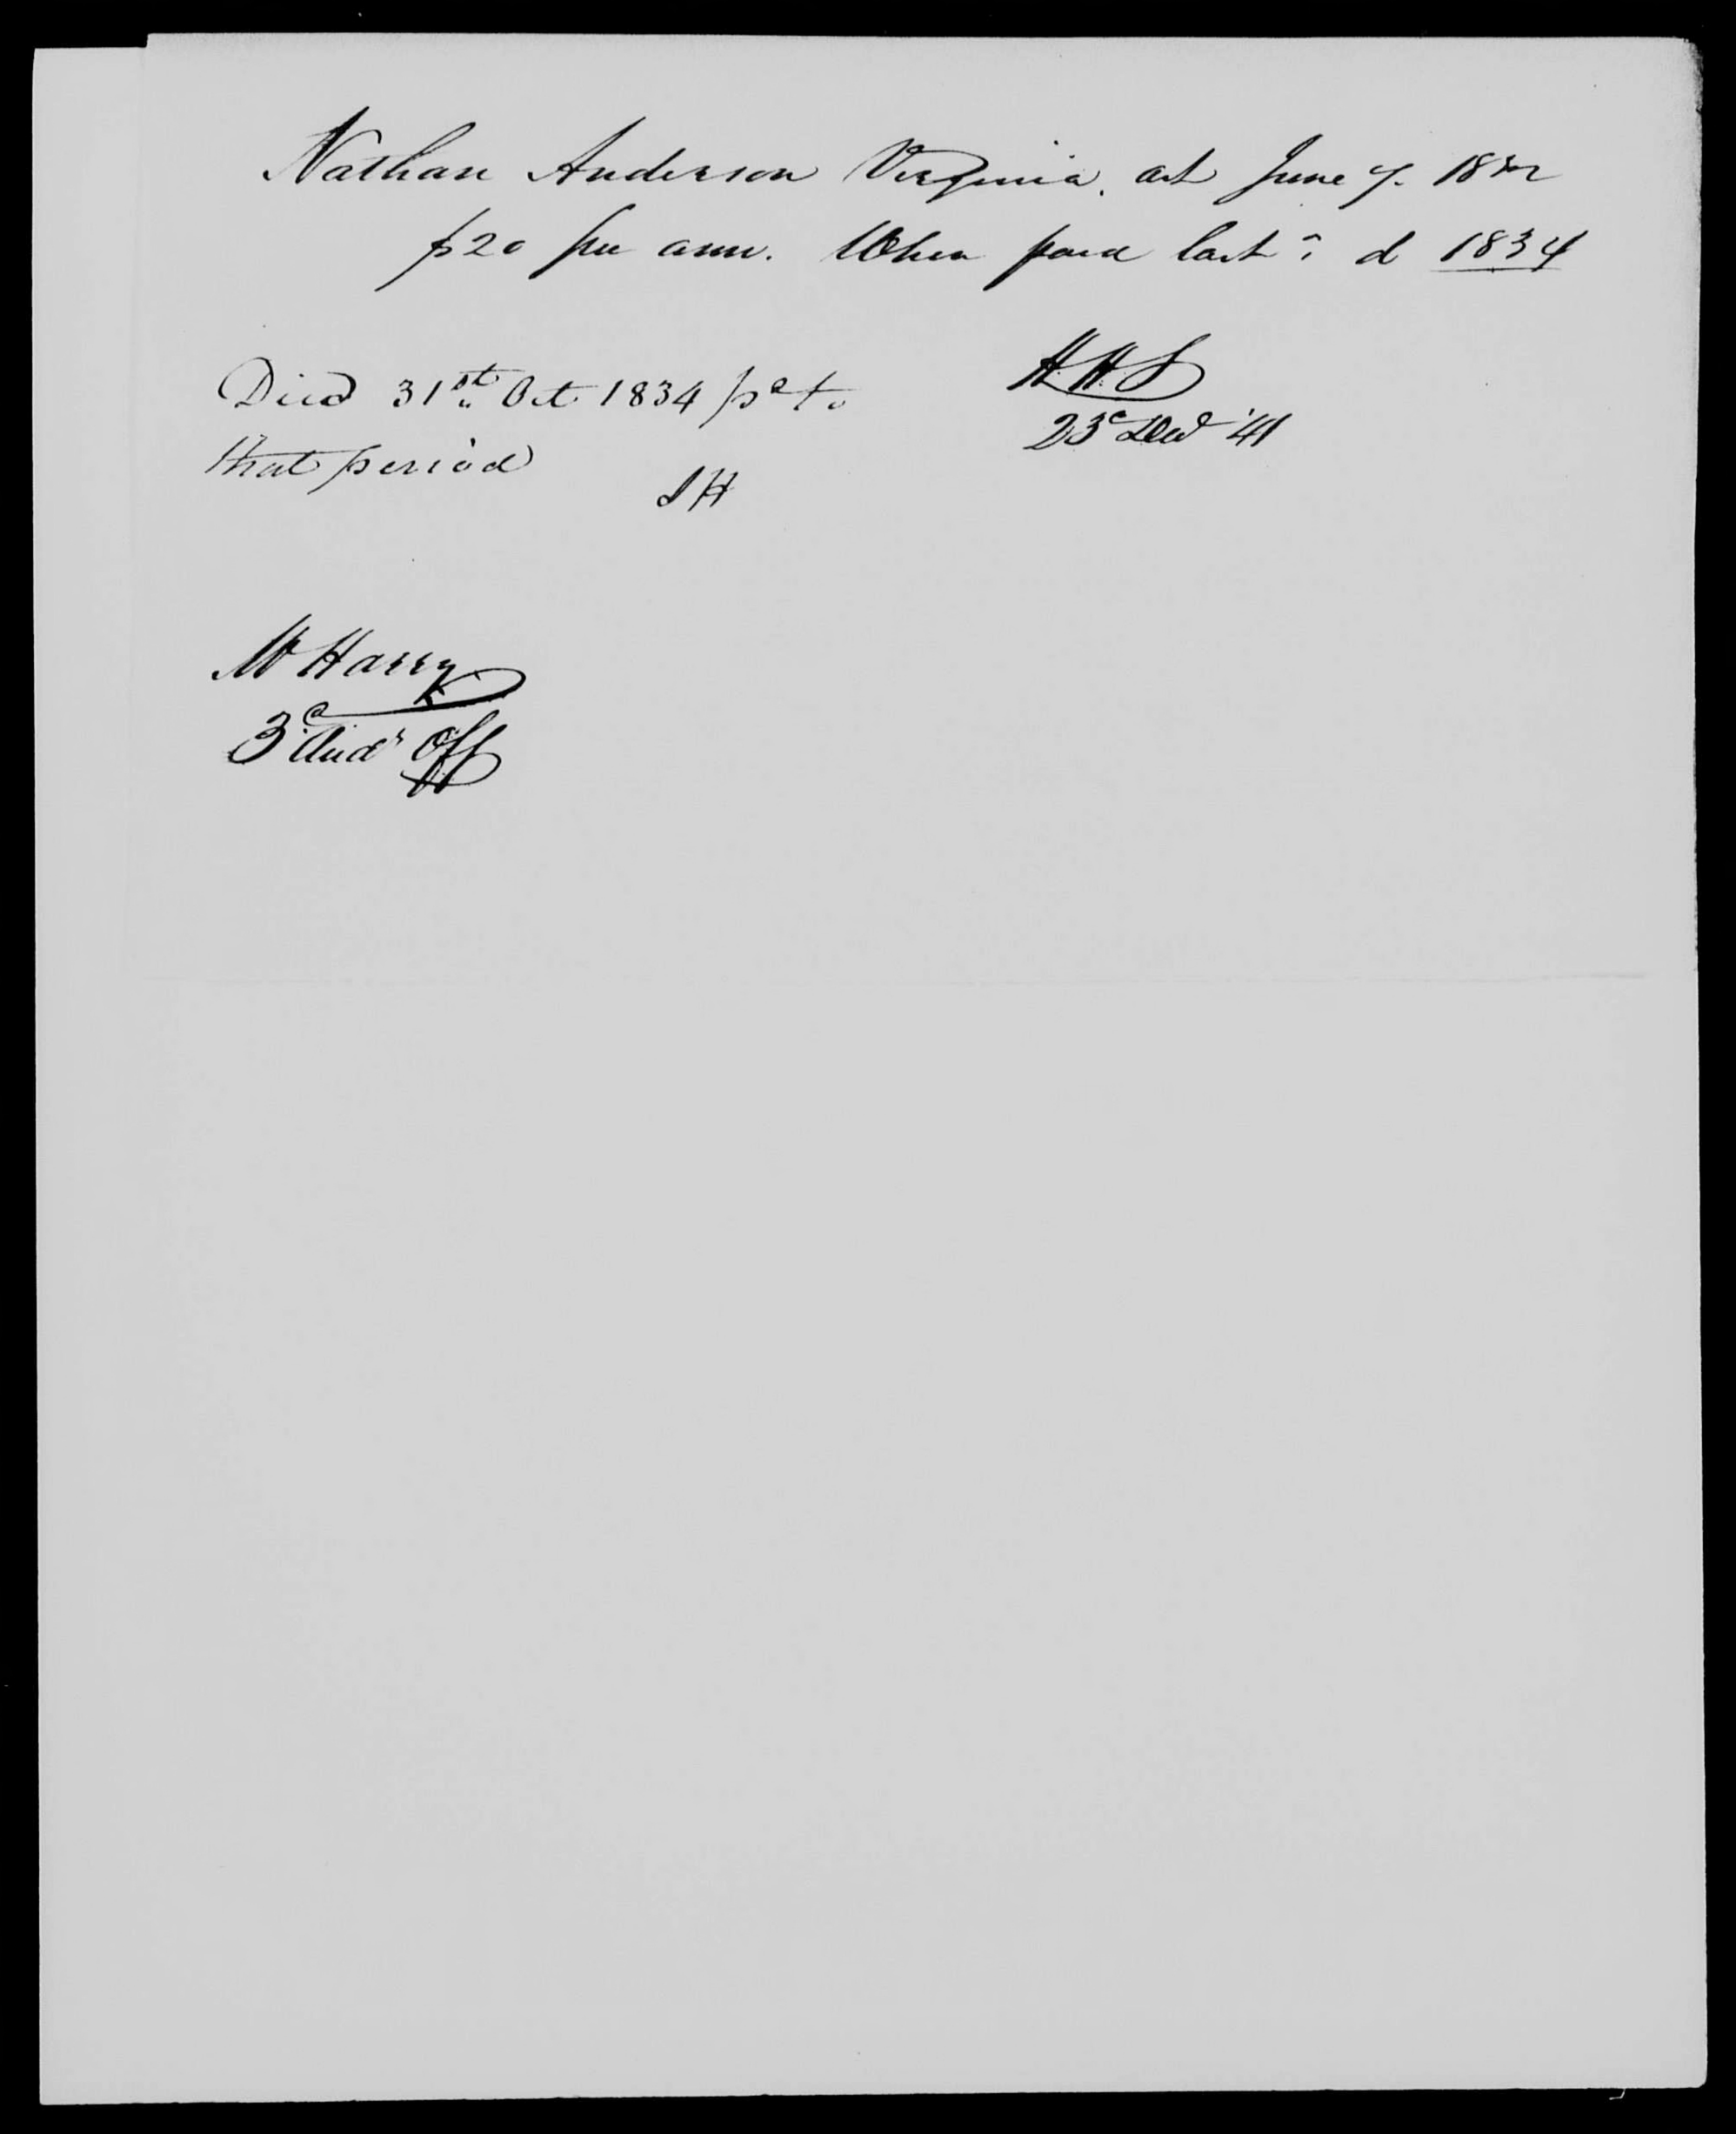Nathan Anderson Virginia, act June 7, 1832
$20 per ann. When paid last? d 1834
H. H. S.
23d Decr '41

Died 31st Oct 1834 pd to that period 
JH

M Harry
3d Audr Off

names: Nathan Anderson, Harry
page: 25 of 43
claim: widow's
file: W. 5,626, Nathan Anderson, Va.